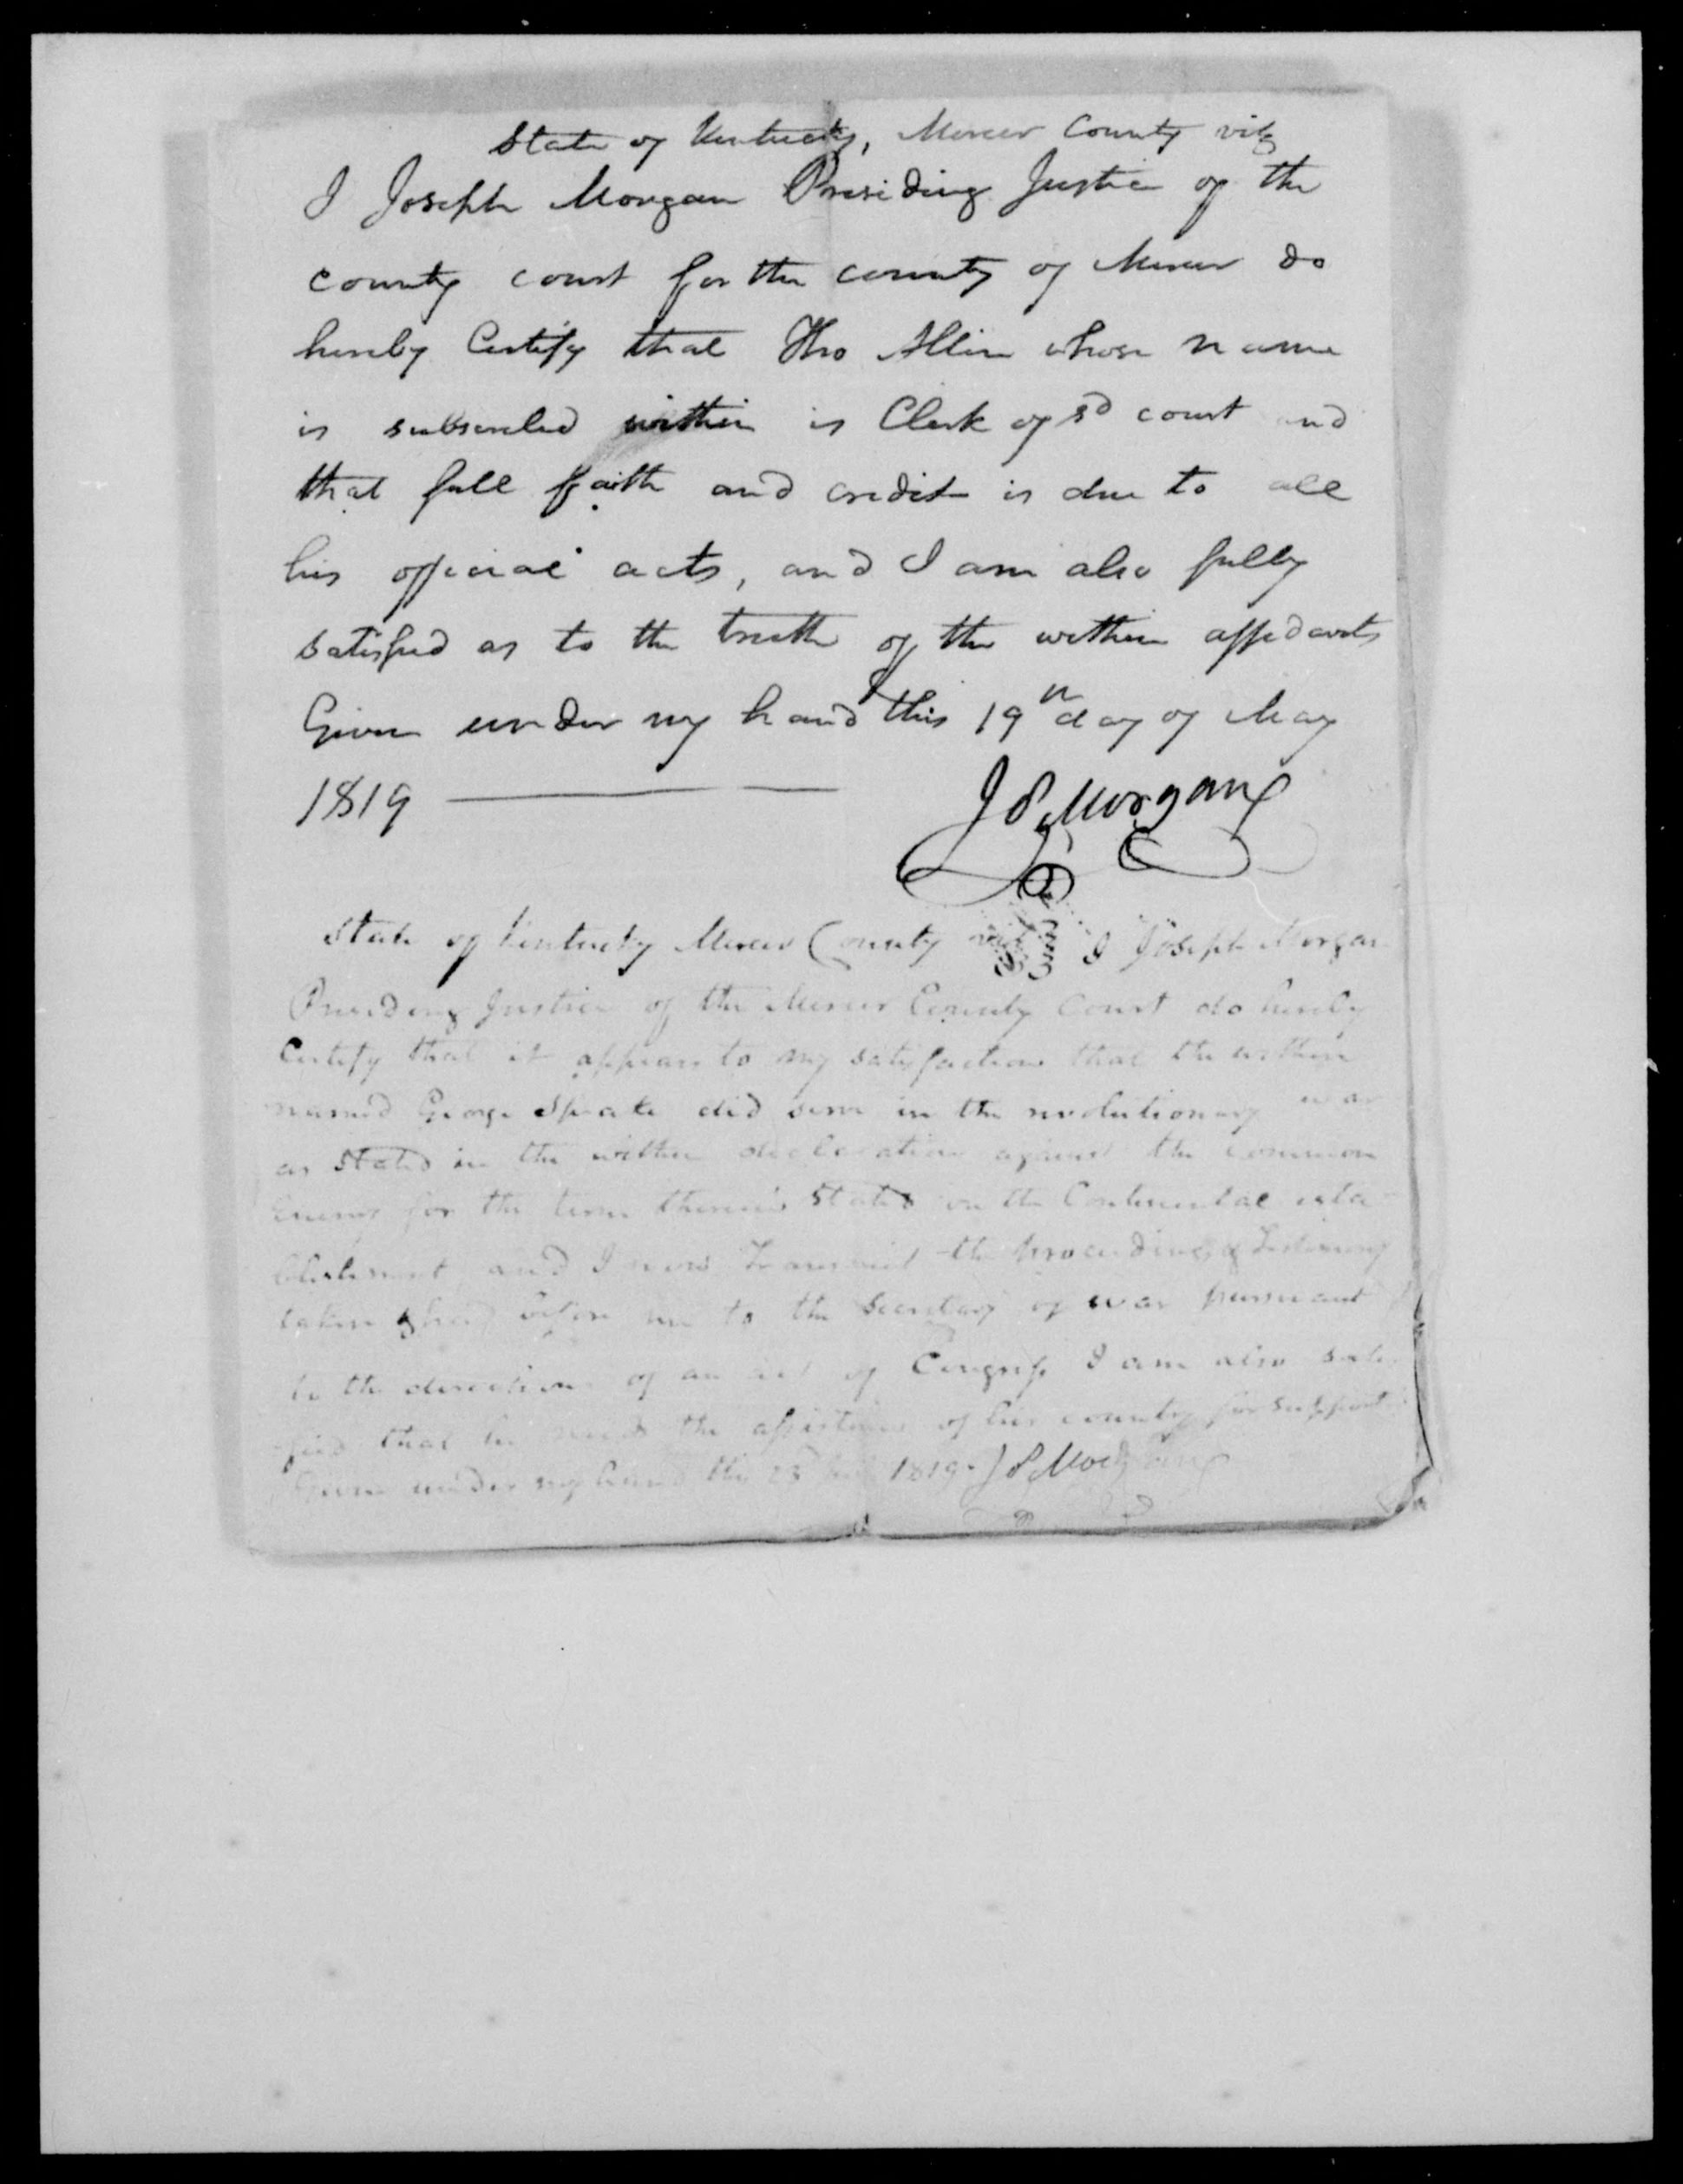State of Kentucky, Mercer County viz,
I Joseph Morgan Presiding Justice of the county court of the county of Mercer do hereby certify that Tho. Allen whose name is subscibed within is Clerk of sd. court and that full faith and credit is due to all his official acts, and I am also fully satisfied as to the truth of the within affidavits
Given under my hand this 19th day of May 1819
Jos. Morgan
[Signature]

State of Kentucky Mercer County viz} I Joseph Morgan Presiding Justice of the Mercer County Court do hereby certify that it appears to my satisfaction that the within named George Speak did serve in the revolutionary war as stated in the within declaration against the common enemy for the term therein stated with Continental establishment and I now transmit the proceedings of Testimony taken here before me to the Secretary of War pursuant to the direction of an act of Congress I am also satisfied that he served the assistance of his country for support. Given under my hand this 23rd July 1819 
Jos. Morgan
[Signature]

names: George Speake; Tho Allen; Joseph Morgan; Joseph Morgan; Jos Morgan; Jos Morgan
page: 9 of 15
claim: survivor's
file: S. 37,435, for George Speak, Virginia